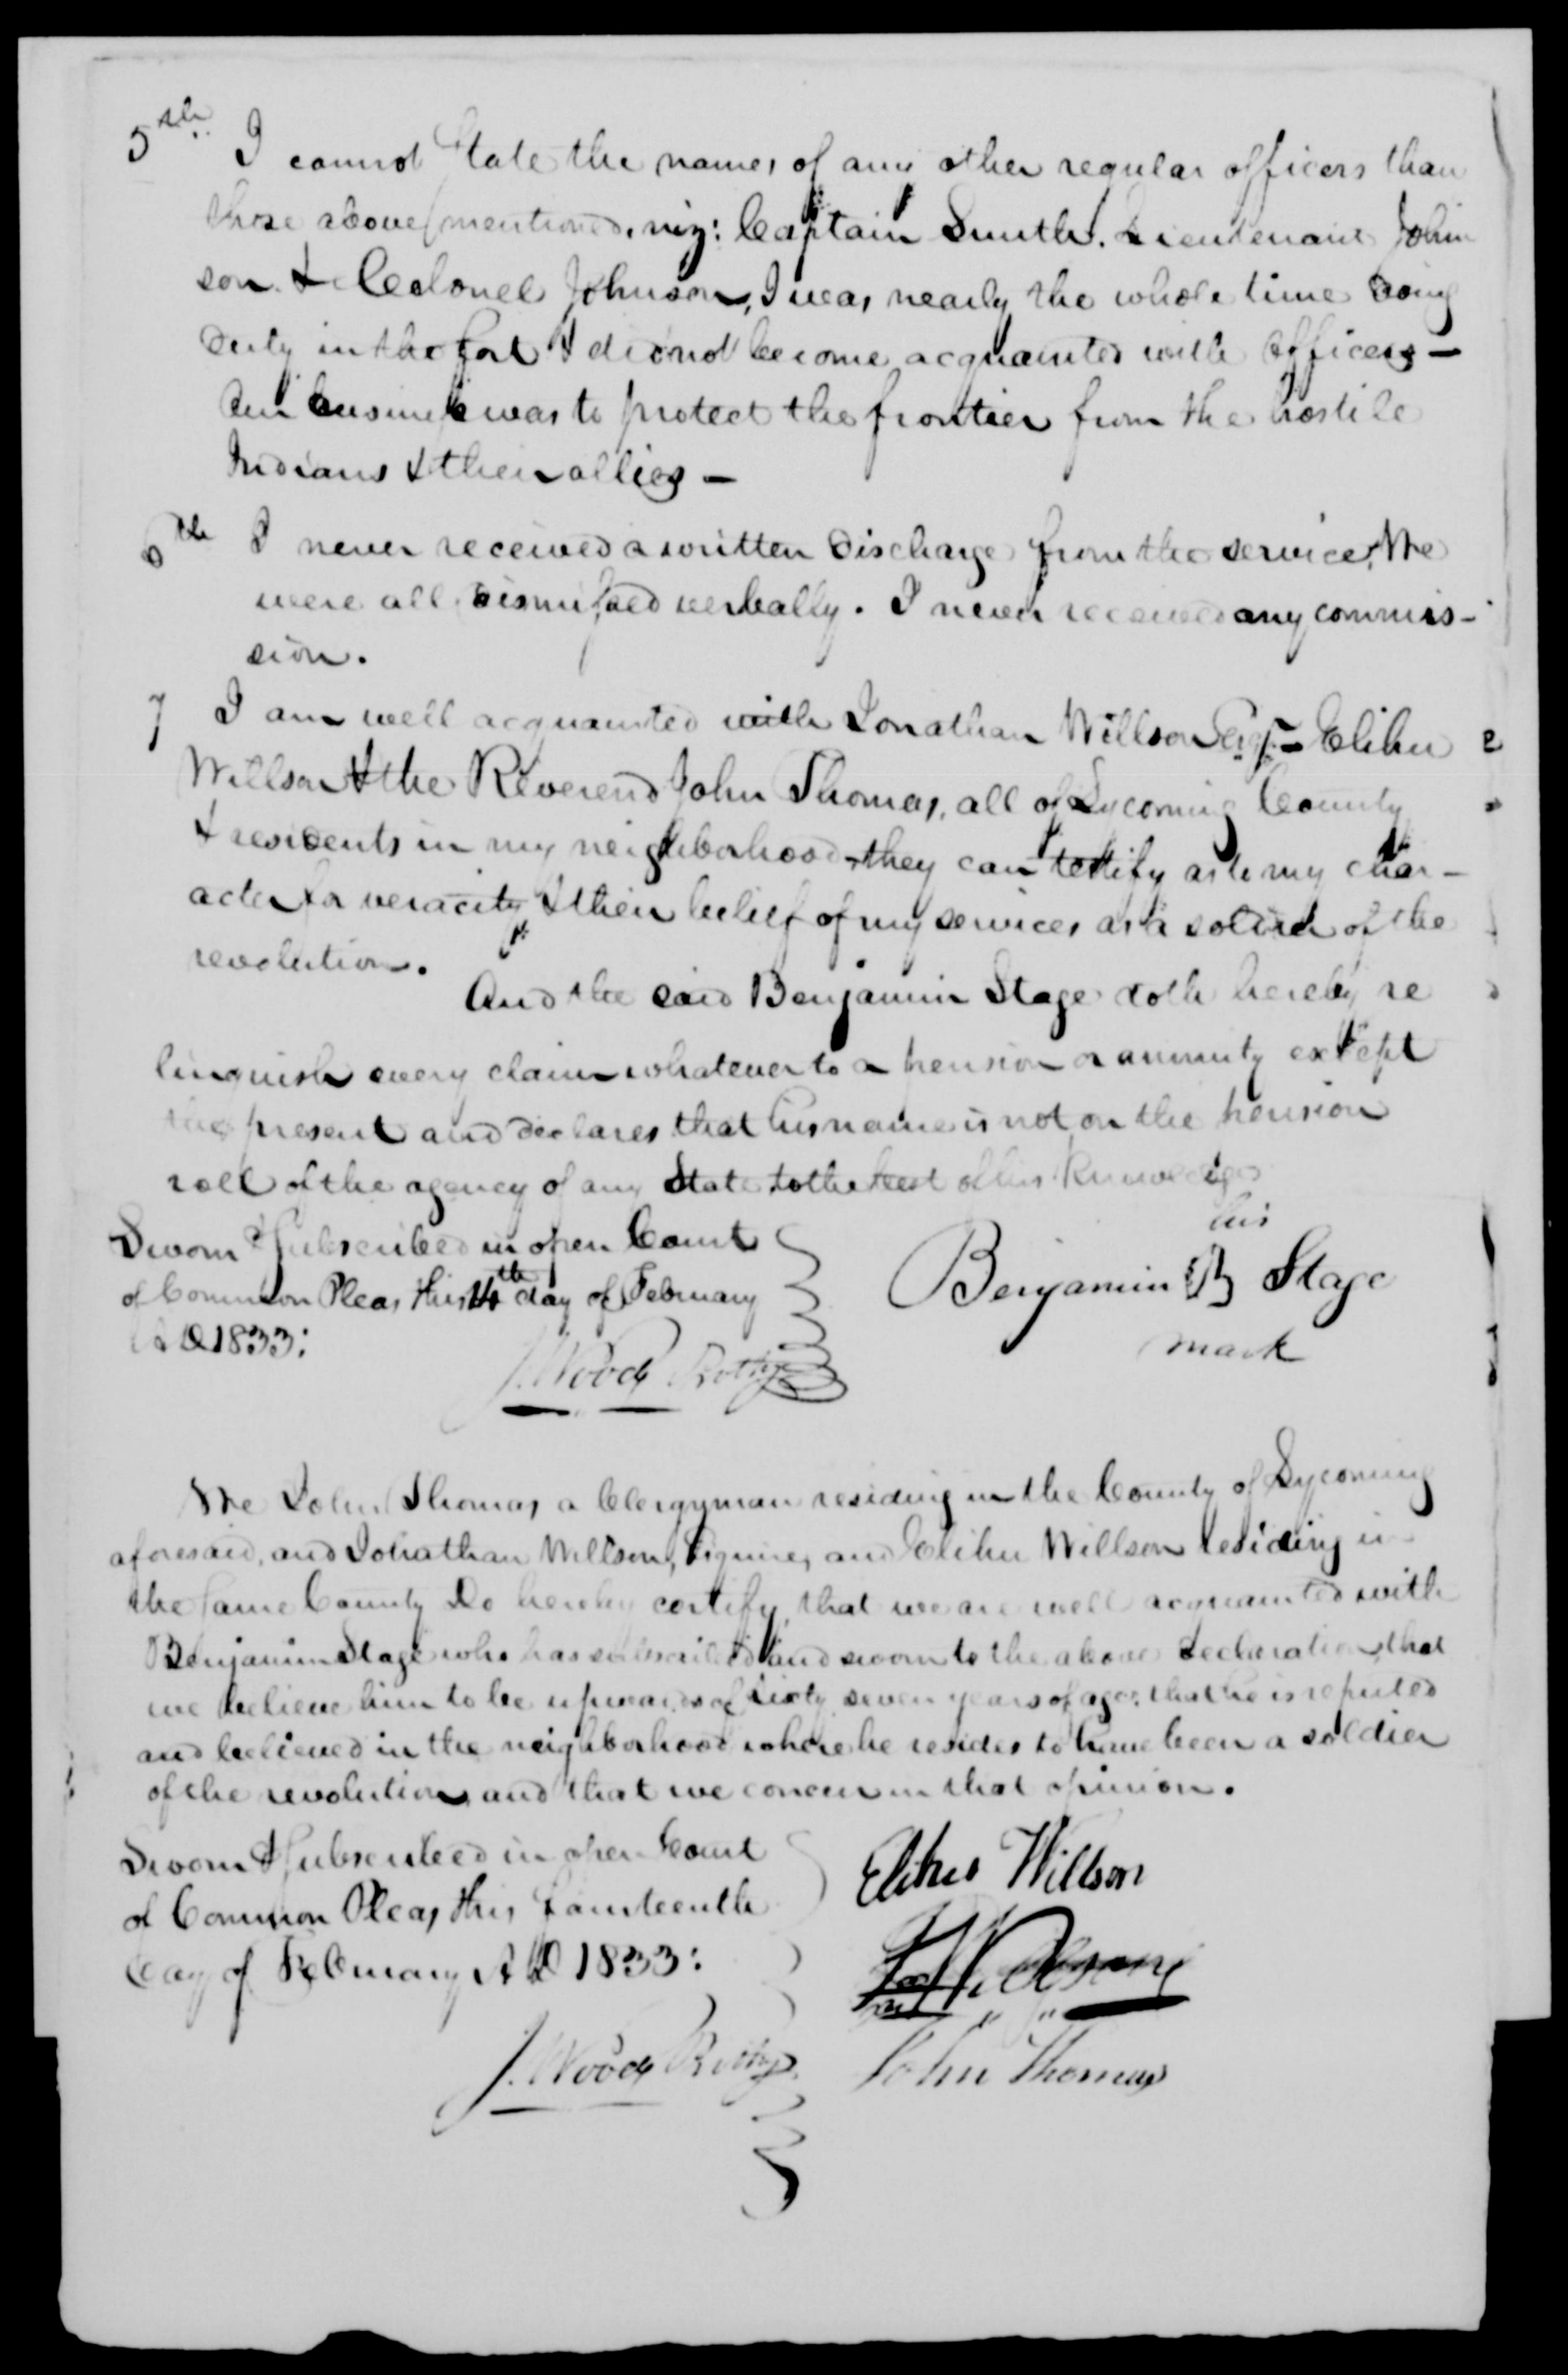5th I cannot State the names of any other regular officers than those above mentioned viz: captain Smith Lieutenant Johnson & Colonel Johnson. I was nearly the whole time doing duty in the fort & did not become acquainted with officers Our business was to protect the frontier from the hostile Indians & their allies.
6th I never received a written discharge from the service We were all dismissed verbally.  I never received any commission.
7 I am well acquainted with Jonathan Willson, Serg Elihu Willson & the Reverend John Thomas all of Lycoming County & residents in my neighborhood & they can testify as to my character for veracity & their belief of my services as a soldier of the revolution.
And the said Benjamin Stage doth hereby relinquish every claim whatever to a pension or annuity except the present and declares that his name is not on the pension roll of the agency of any State to the best of his knowledge
Sworn & subscribed in open Court of common Pleas this 14th day of February AD 1833 J Woods 
Benjamin Stage  his mark B
We John Thomas a Clergyman residing in the County of Lycoming aforesaid and Jonathan Willson Esquire, and Elihu Willson residing in the same County do hereby certify that we are well acquainted with Benjamin Stage who has subscribed and sworn to the above declaration & that we believe him to be upwards of sixty seven years of age that he is reputed and believed in the neighborhood where he resides to have been a soldier of the revolution and that we concur in that opinion.
Sworn & Subscribed in open Court of Common Pleas this fourteenth day of February AD 1833 
J Wood []
Elihu Willson 
Jon Willson
John Thomas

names: [BLANK] Johnson; Elihu Willson; Benjamin Stage; Benjamin B Stage; [BLANK] Smith; J Wood; [BLANK] Johnson; Benjamin Stage; John Thomas; Jonathan Willson; Elihu Willson; John Thomas; J Wood; Elihu Willson; Johathan Willson; I Willson; John Thomas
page: 6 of 23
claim: survivor's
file: S. 23008, for Benjamin Stage, New York